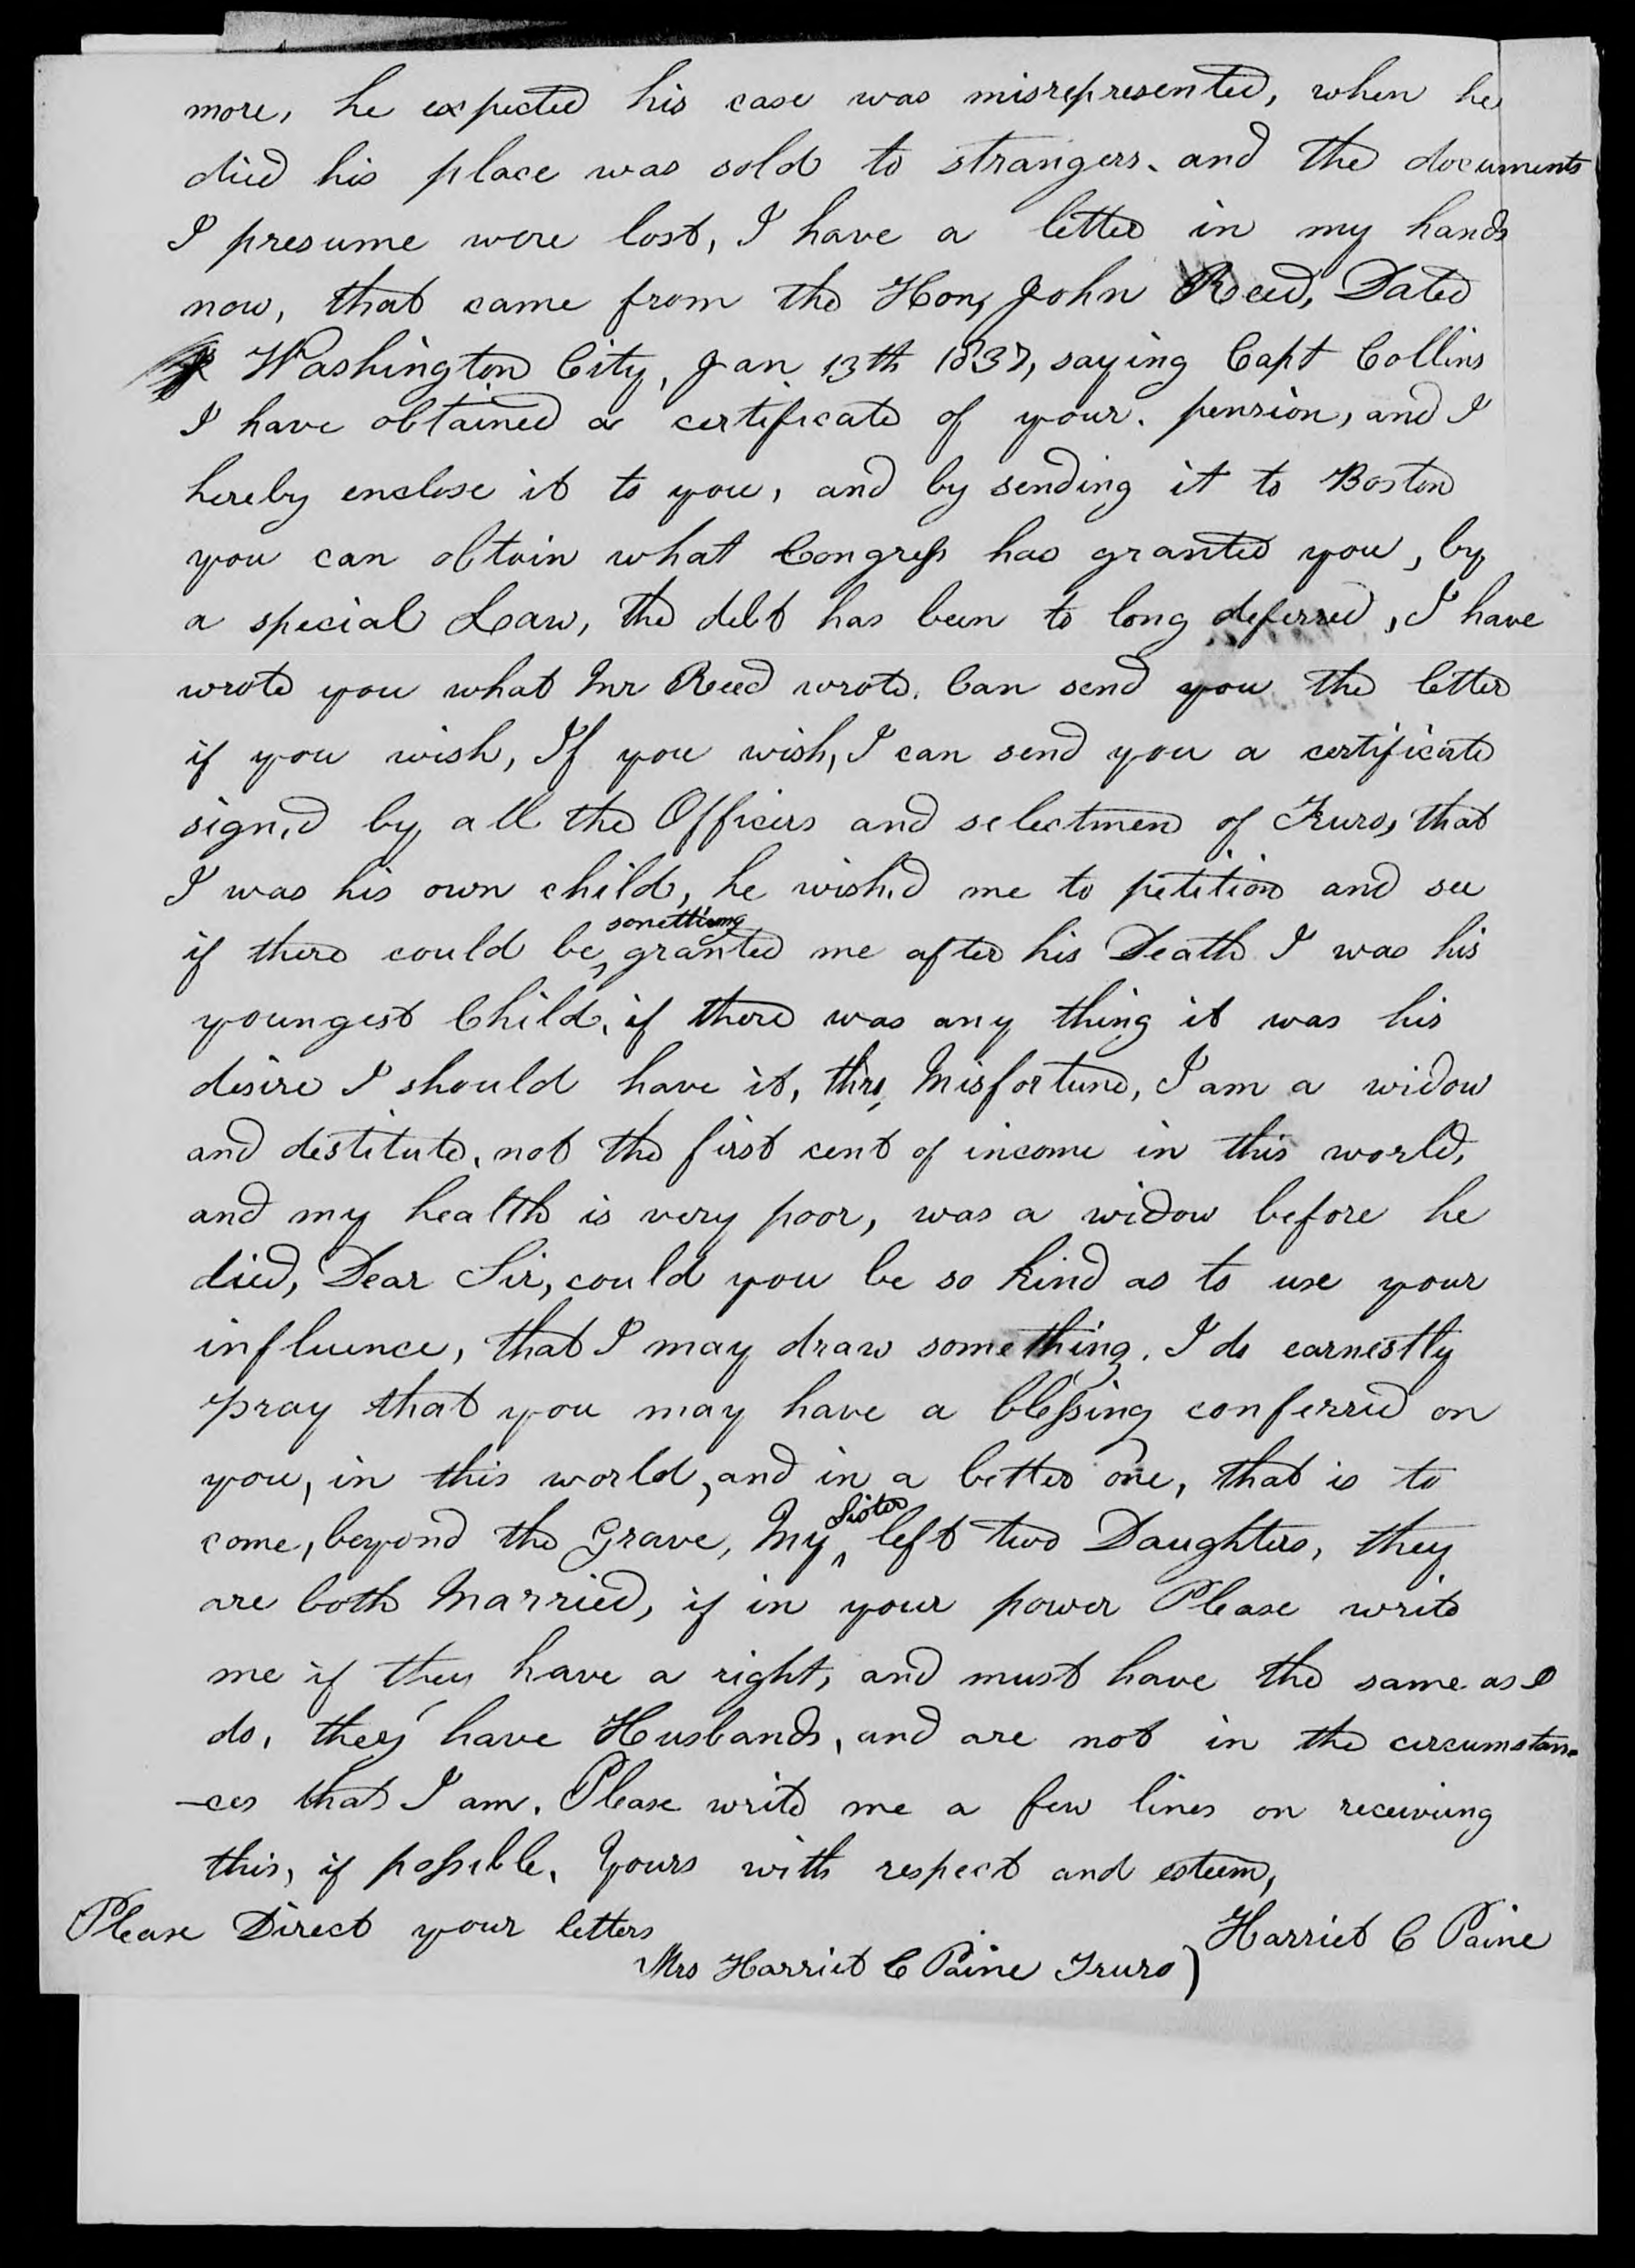more, he expected his case was misrepresented, when he died his place was sold to strangers, and the documents I presume were lost, I have a letter in my hands now, that came from the Hon John Reed, Dated Washington City, Jan 13th 1837, saying Capt Collins I have obtained a certificate of your pension, and I hereby enclose it to you, and by sending it to Boston you can obtain what Congress has granted you, by a special Law, the debt has been too long deferred, I have wrote you what Mr. Reed wrote, can send you the letter if you wish, If you wish, I can send you a certificate signed by all the Officers and selectmen of Truro, that I was his own child, he wished me to petition and see if there could be something granted me after his death. I was his youngest child, if there was any thing it was his desire I should have it, this misfortune, I am a widow and destitute, not the first cent of income in this world, and my health is very poor, was a widow before he died, Dear Sir, could you be so kind as to use your influence, that I may draw something. I do earnestly pray that you may have a blessing conferred on you, in this world, and in a better one, that is to come, beyond the grave, My sister left two Daughters, they are both married, if in your power Please write me if they have a right, and must have the same as I do, they have Husbands, and are not in the circumstances that I am, Please write me a few lines on receiving this, if possible. Yours with respect and esteem, 
Harriet C Paine

Please Direct your letters Mrs Harriet C Paine Truro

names: Harriet C Paine, John Reed, Reed, Harriet C Paine, Collins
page: 12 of 43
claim: survivor's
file: S. 29,732, John Collins, Mass. Navy